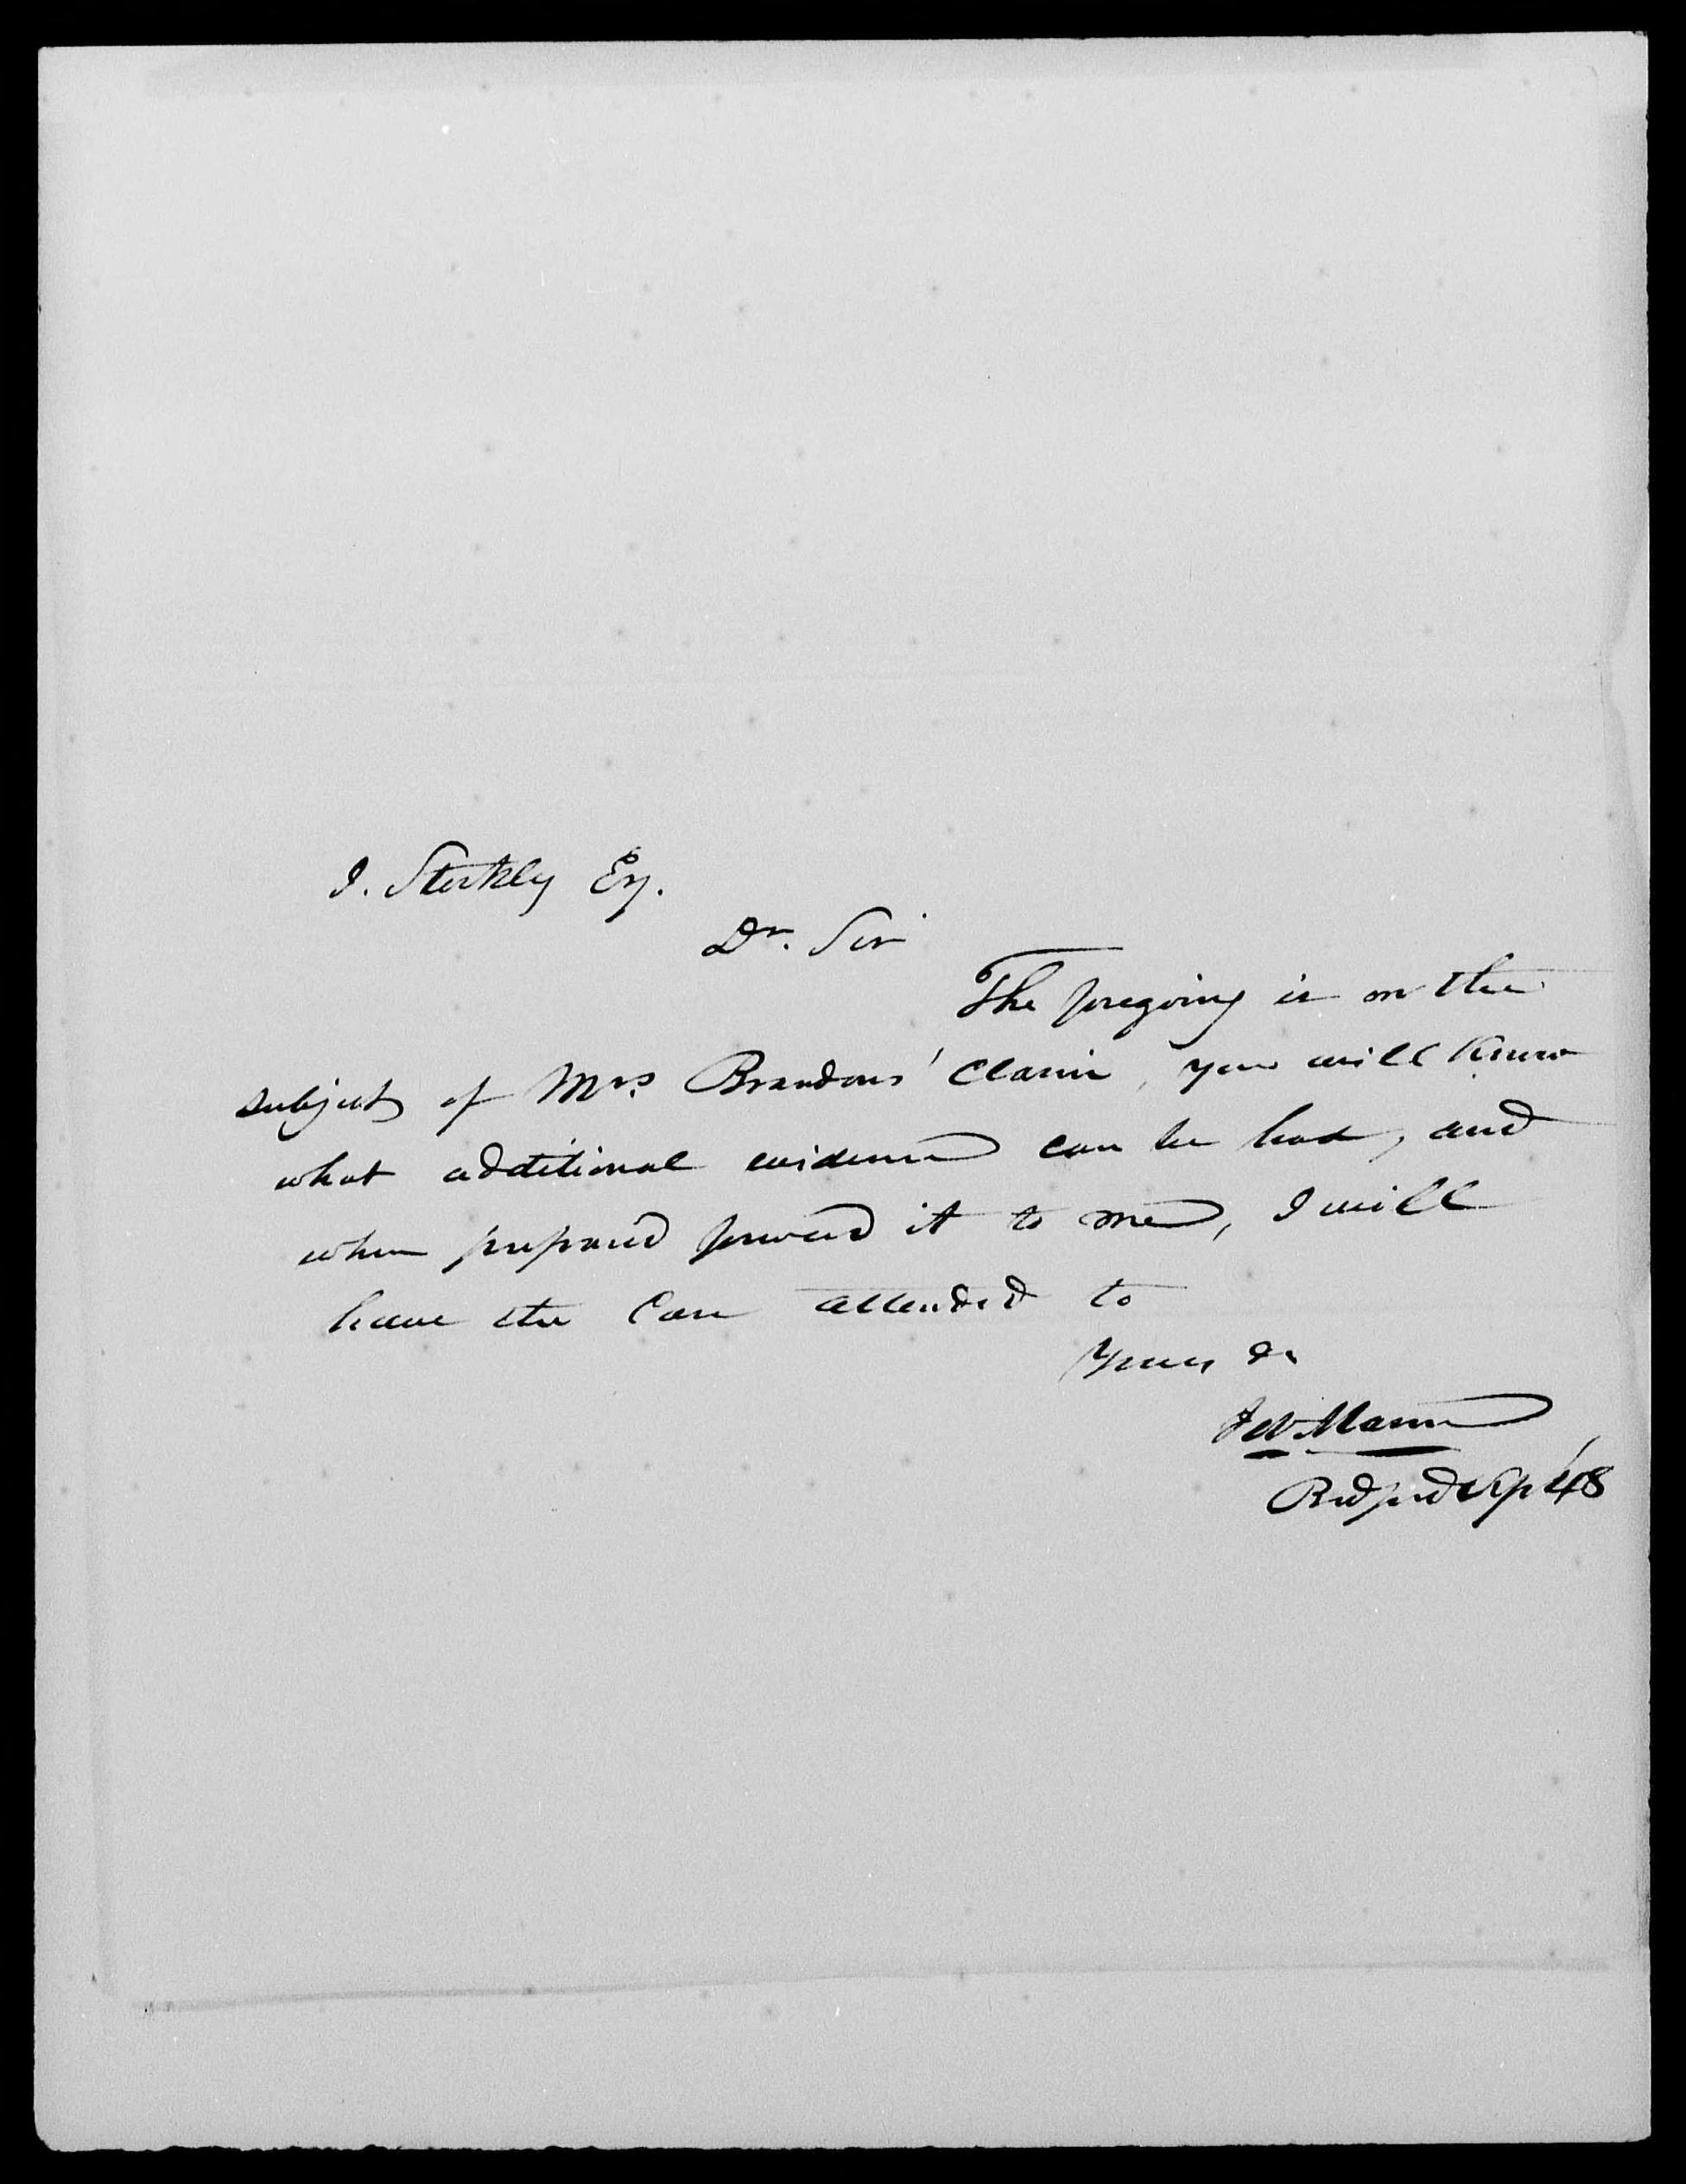J. Stockly Esq.
Dear Sir
The foregoing is on the subject of Mrs. Brandons' claim, you will know what additional evidence can be had, and when prepared proved it to me, I will have the can attended to
yours &c
Job Mann
RidgeGrp(?) 48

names: J Stockly, Brandon, Job Mann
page: 30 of 83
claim: widow's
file: W. 5946, John Brandon, Penn